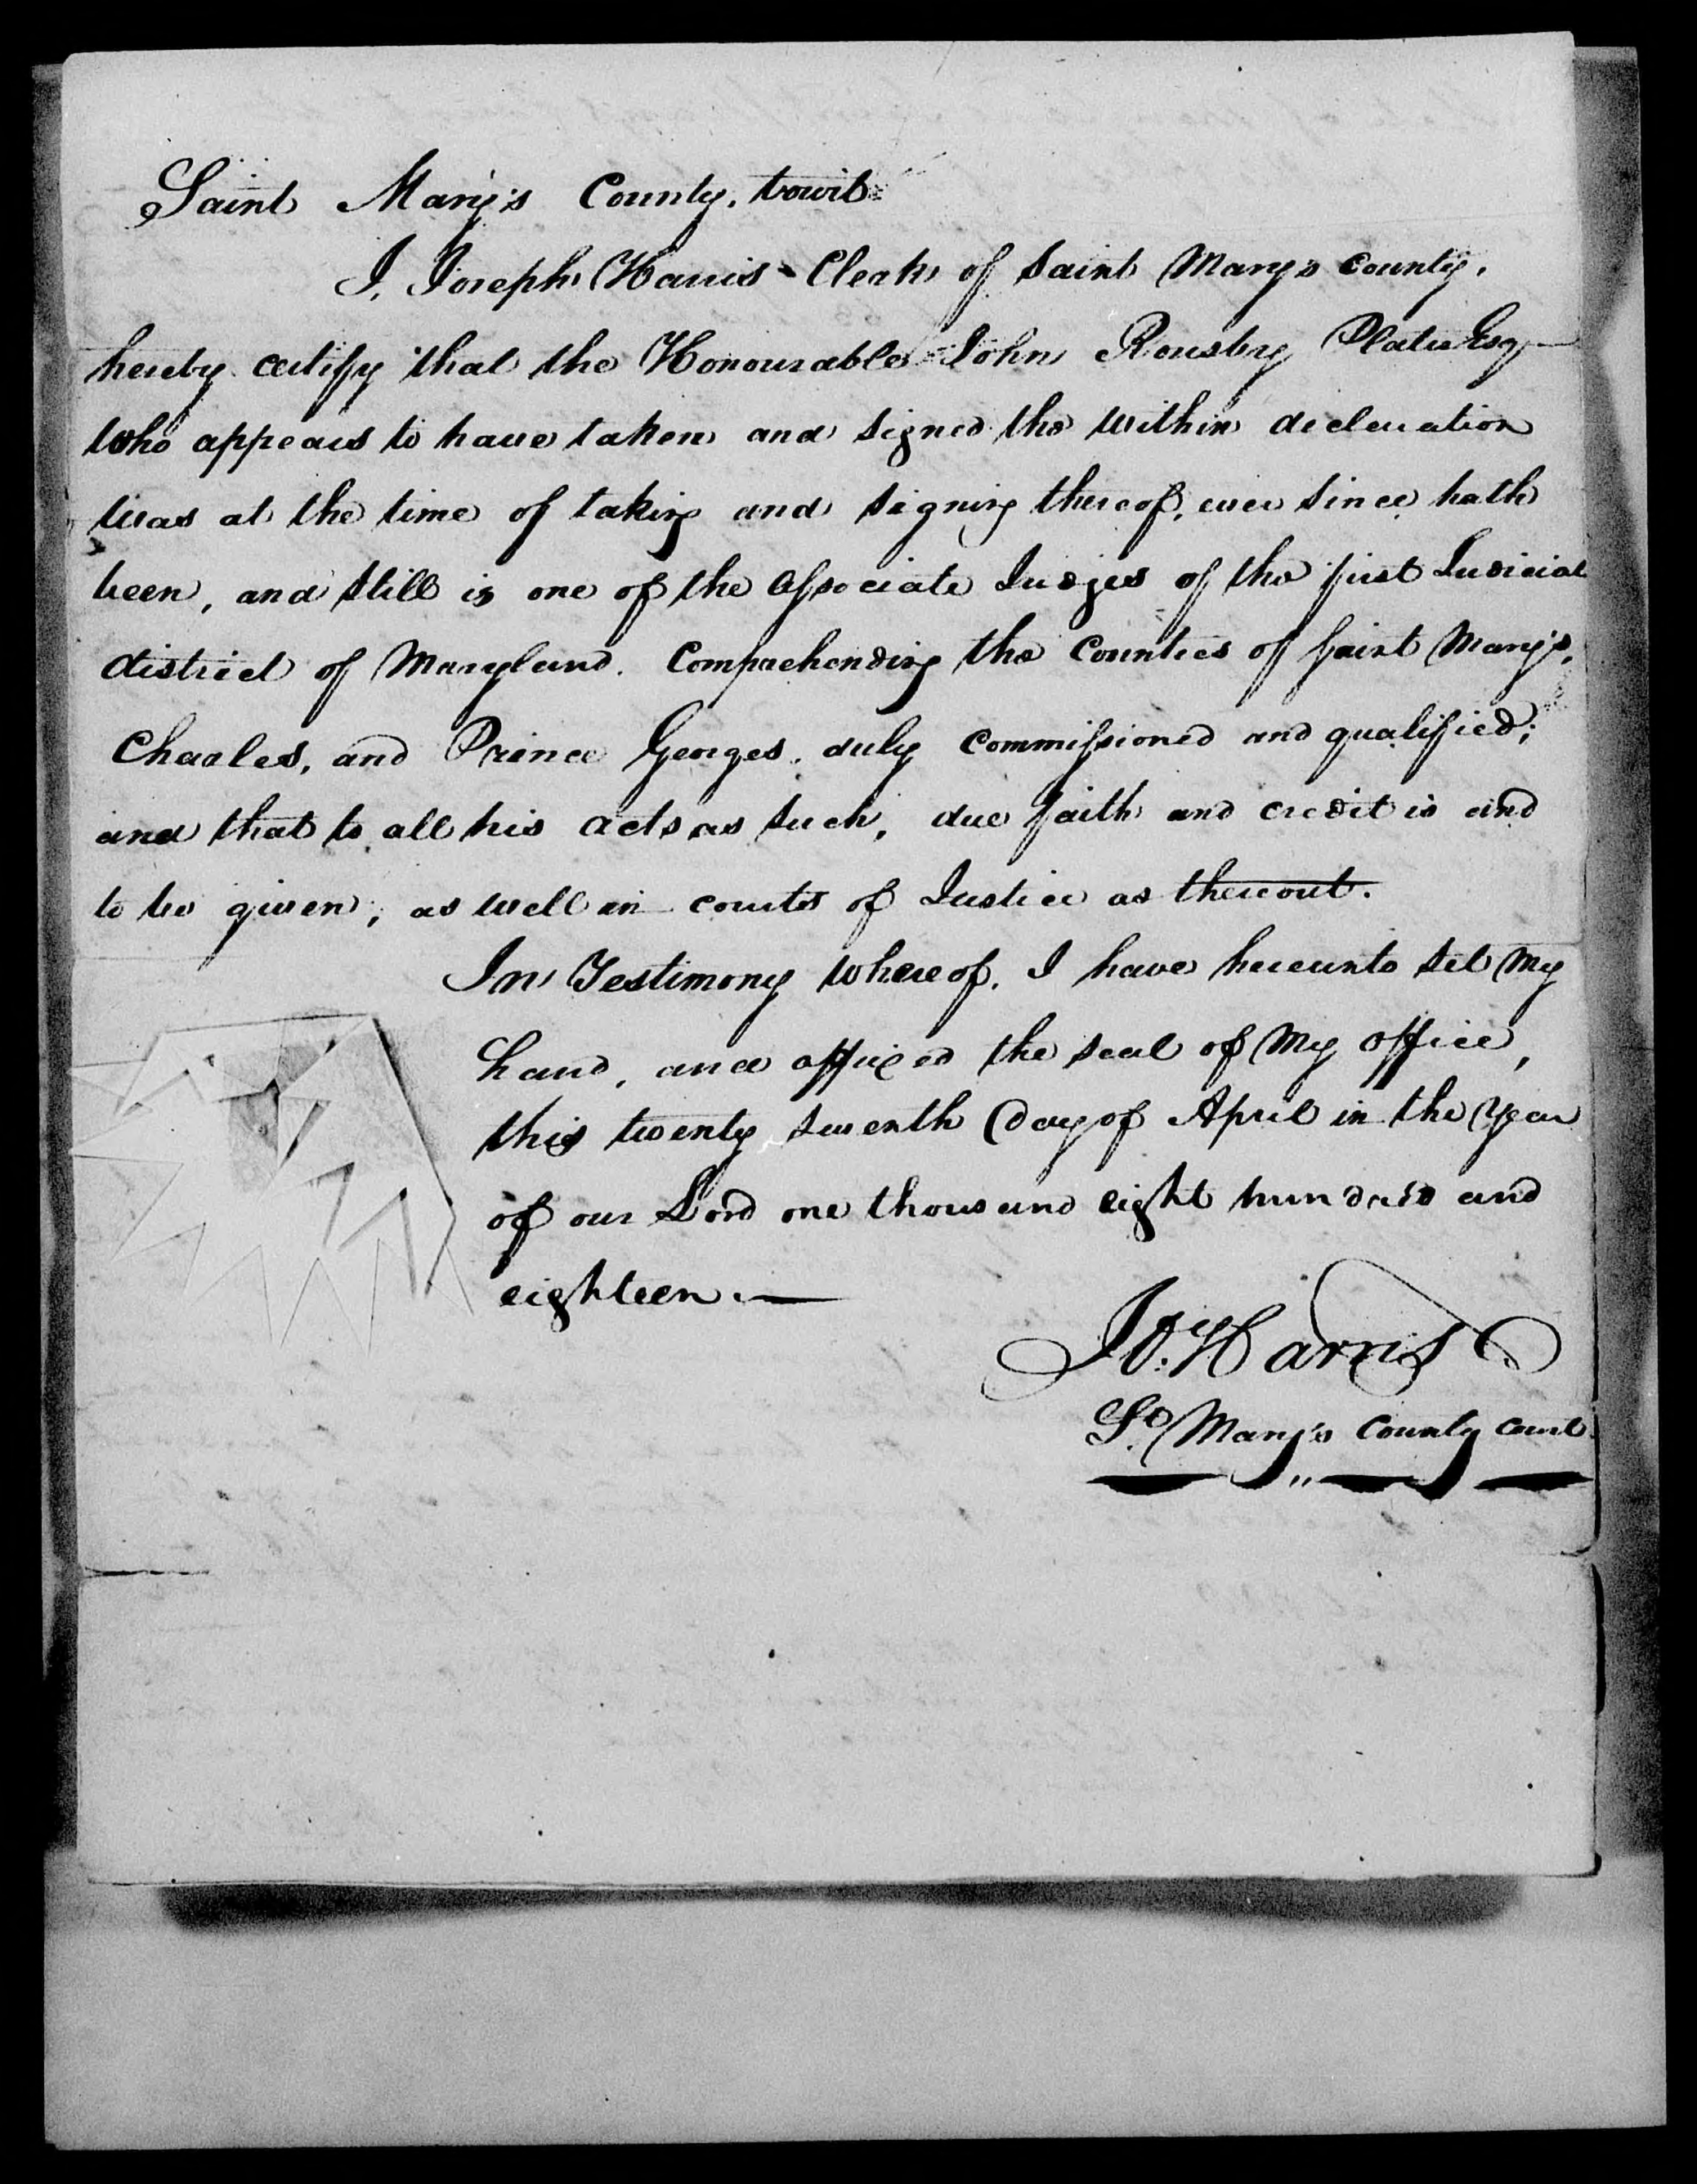Saint Mary's County, towit

I, Joseph Harris Clerk of Saint Mary's County, hereby certify that the Honourable John Rousby Plater Esq. who appeared to have taken and signed the within declaration was at the time of taking and signing thereof, ever since hath been, and still is one of the associate judges of the first Judicial district of Maryland. Comprehending the counties of Saint Mary's, Charles, and Prince Georges, duly commissioned and qualified, and that to all his acts as such, due faith and credit is and to be given, as well in courts of Justice as these out.

In testimony whereof, I have hereunto set my hand, and affixed the seal of my office, this twenty seventh day of April in the year of our Lord one thousand eight hundred eighteen___

     Jos. Harris
     St. Mary's County Court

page: 5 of 17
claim: survivor's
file: S. 34980, for William Mc Gee, Maryland